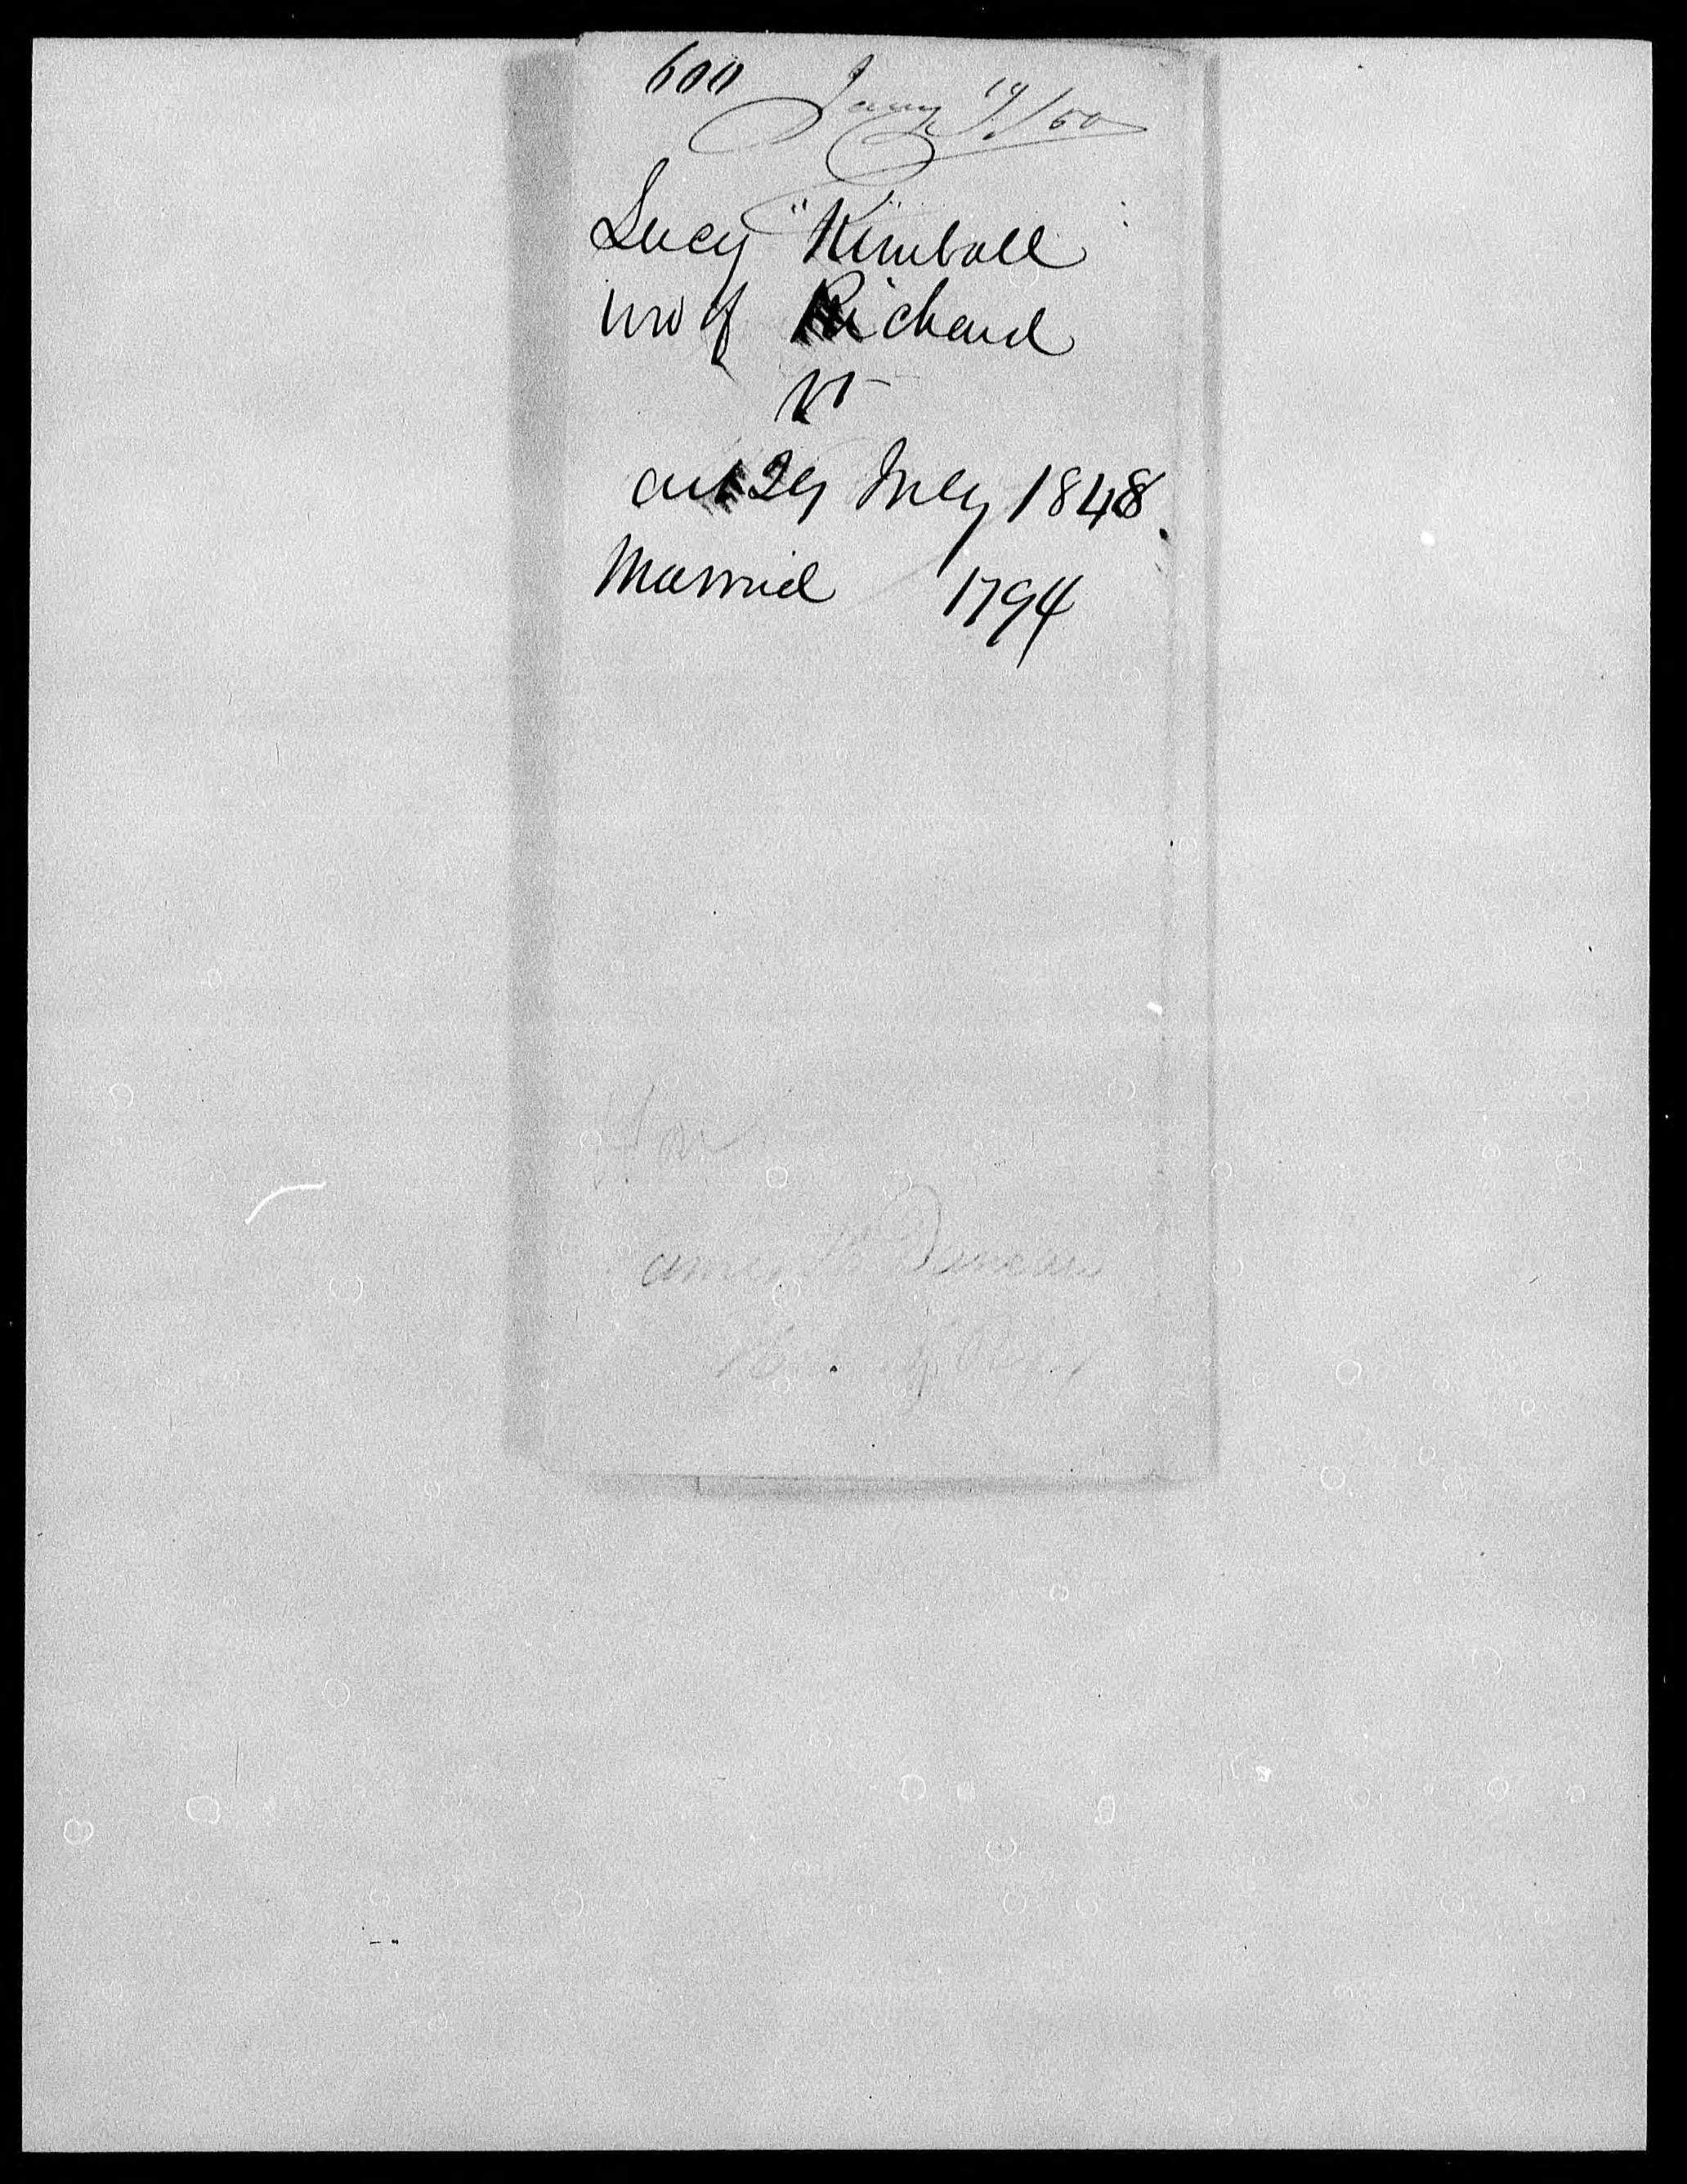600  Jany 
Lucy Kimball
ww of Richard
M
[?] July 1848
Married 1794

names: Richard Kimball; Lucy Kimball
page: 12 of 29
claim: widow's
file: W. 1779, for Richard Kimball, Massachusetts